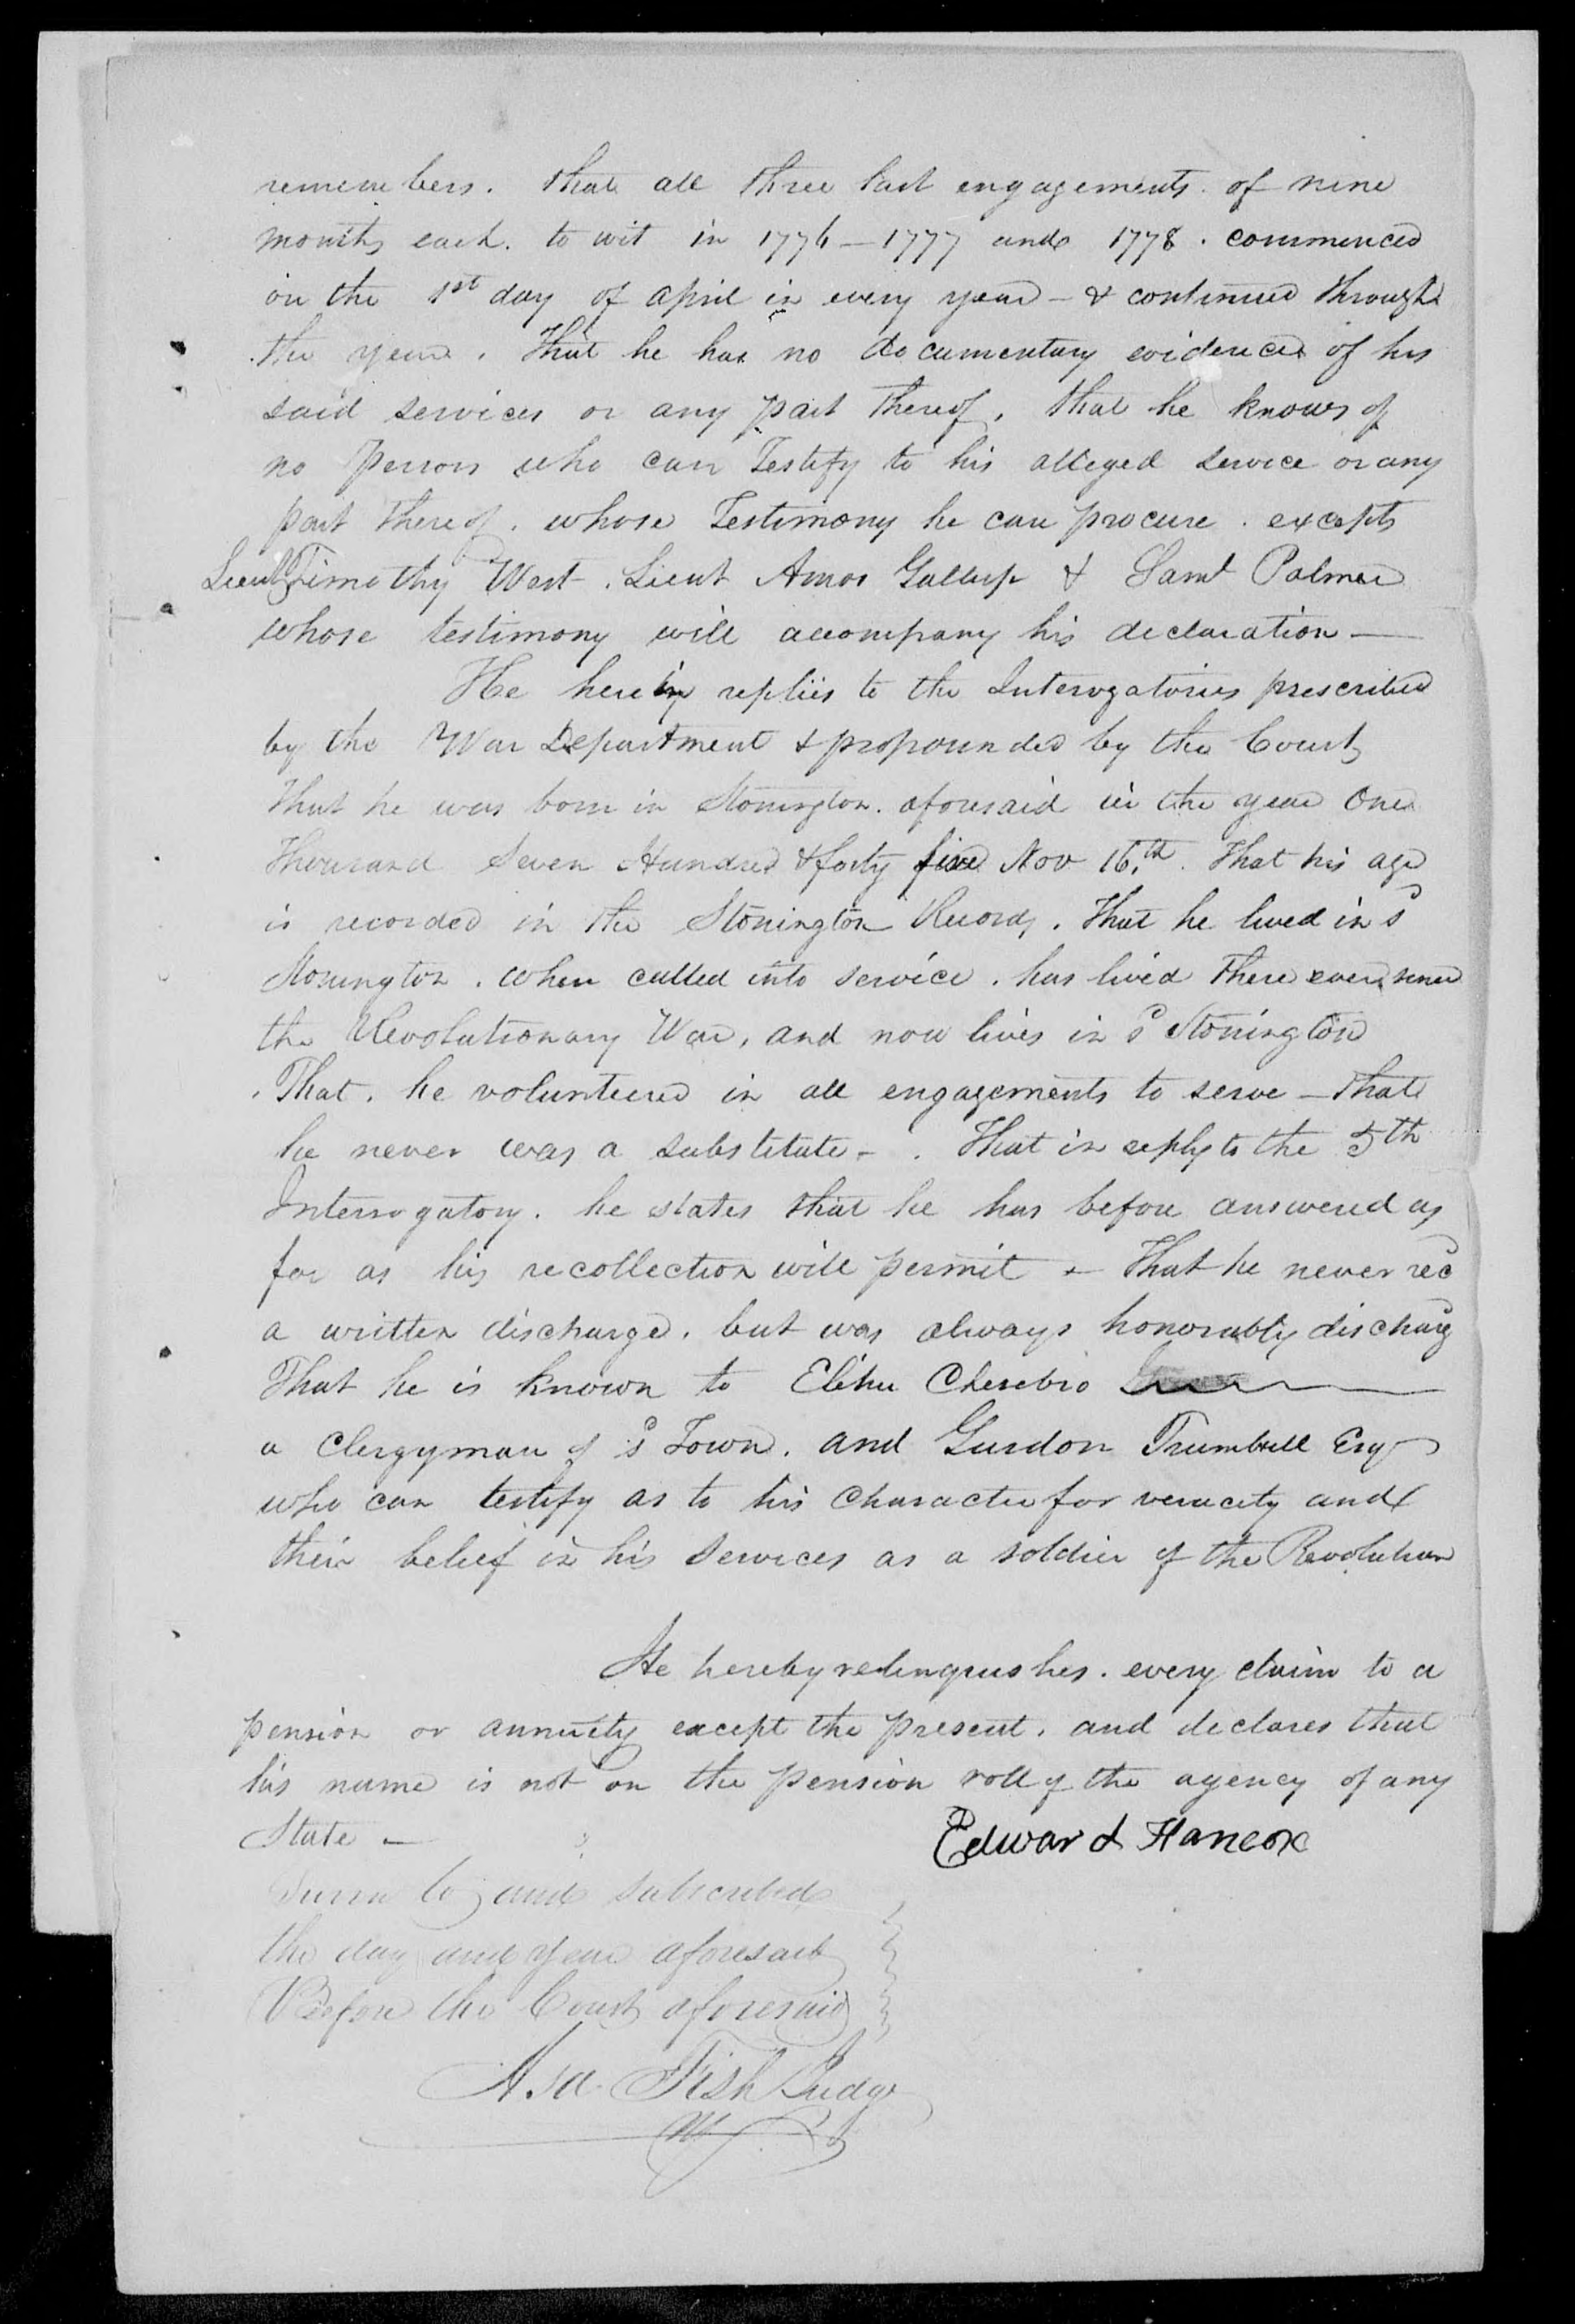remembers. That all three last engagements of nine months each, to wit in 1776 - 1777 and 1778. commenced on the 1st day of April in every year-- & continued through the year. That he has no documentary evidence of his
said services or any part thereof. That he knows of no person who can testify to his alleged service or any part thereof, whose testimony he can procure excepts Lieut. Timothy West, Lieut Amos Gallup & Saml Palmer whose testimony will accompany his declaration.
He herein replies to the Interogatories prescribed
by the War Department & propounded by the Court. That he was born in Stonington aforesaid in the year one Thousand Seven Hundred & forty five Nov 16th. That his age is recorded in the Stonington Records. That he lived in
Stonington, when called into service, has lived there ever since the Revolutionary War, and now lives in sd Stonington. That he volunteered in all engagements to serve, that he never was a substitute.  That in reply to the 5th Interrogatory, he states that he has before answered as
far as his recollection will permit - That he never recd. a written discharge, but was always honorably discharged.
That he is known to Eliher Chesebro -
a Clergyman of sd Town, and Gurdon Trumbull Esq who can testify as to his character for veracity and their belief in his services as a soldier of the Revolution.
He hereby relinquishes every claim to a
pension or annuity except the present, and declares that his name is not on the pension roll of the agency of any State.
Edward Hancox

Sworn to and subscribed
the day and year aforesaid
Before the Court aforesaid
Asa Fish Judge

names: Amos Gallup, Edward L Hancox, Gurdon Trumbull, Elihu Chesebro, Timothy West, Asa Fish, Saml Palmer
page: 5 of 26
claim: survivor's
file: S. 16843, Edward Hancox, Conn.